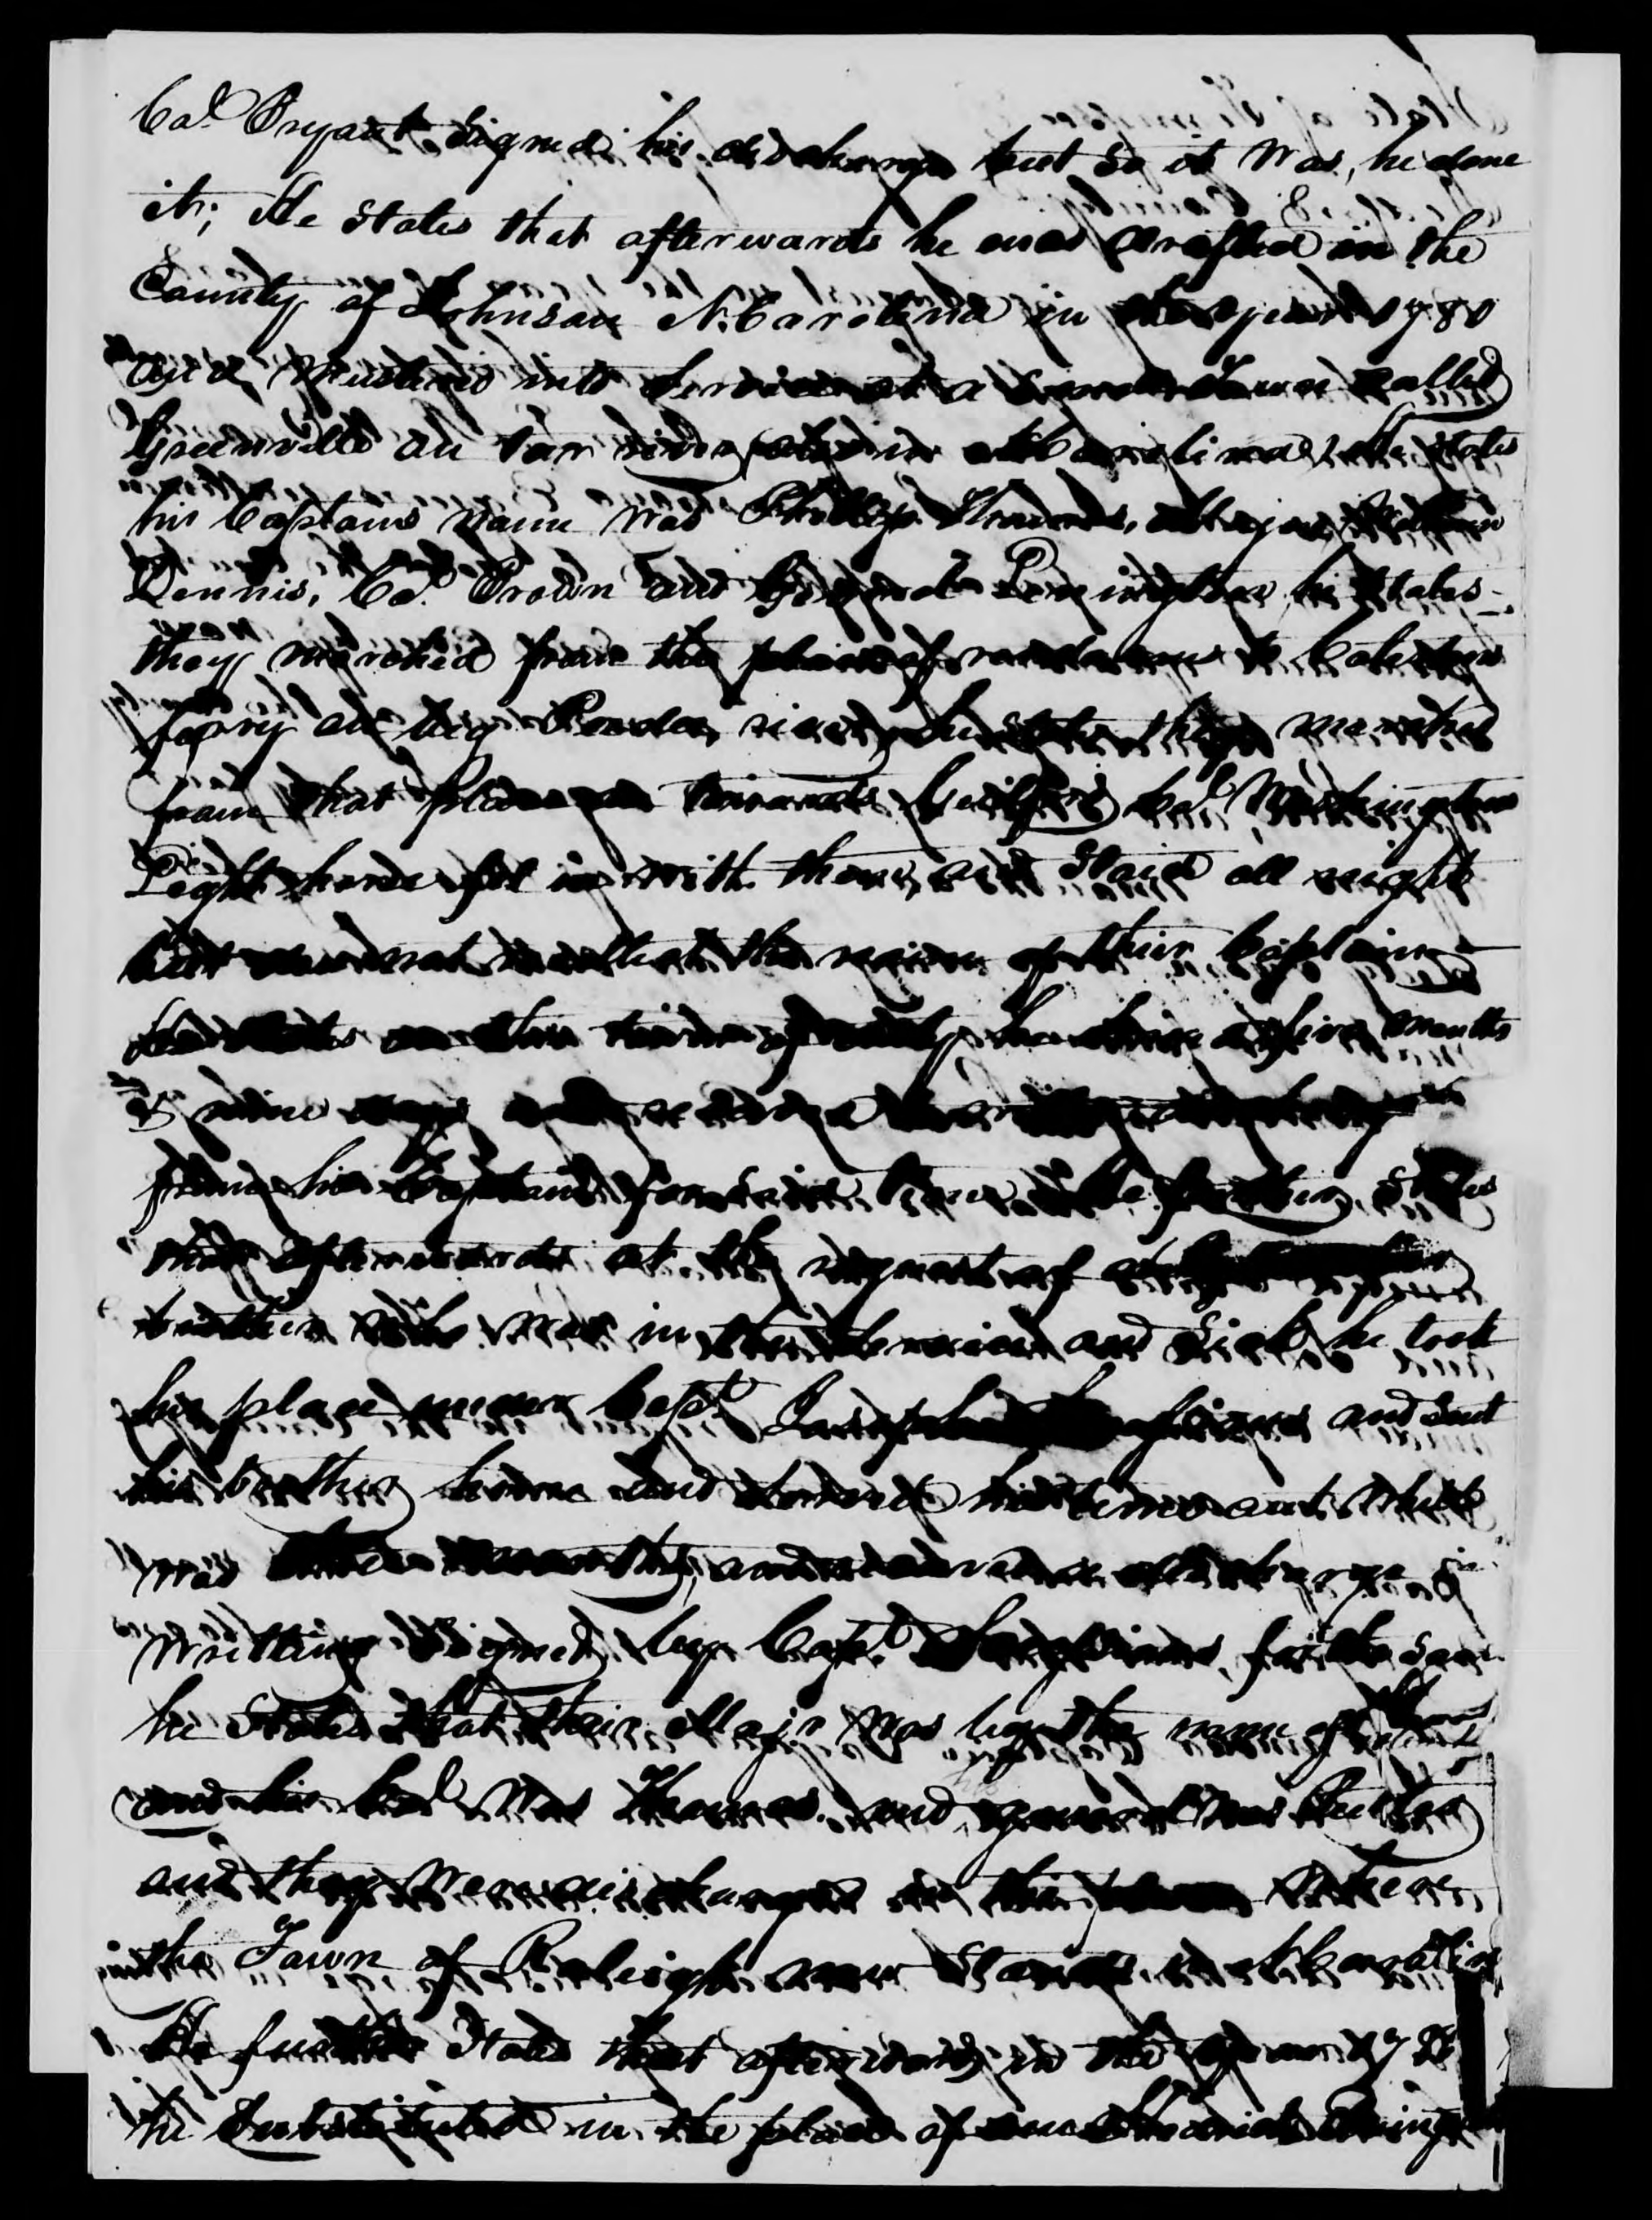Colonel Bryan Signed his discharge doing but so it was, he done
it; he states that afterwards he was drafted in the
County of Johnson North Carolina in August 1780
and mustered 
into service at a  [illegible] town called
Granville on [illegible] [illegible] in North Carolina. He states his Captains name was Phillip Thomas Sergean, Major [illegible]
Dennis, Colonel Brown and General Pennington. he states
they marched from the place of rendezvous to [illegible] Ferry
on Big Peedee river. And then they marched from that place towards Guilford. Colonel Washington’s light horse fell in with them and staid [stayed] all night.
[illegible] [illegible] [illegible] [illegible] that the names of their 
Captain and [illegible] [illegible] on their [illegible] [illegible] he[illegible] action [illegible] months and nine days and [illegible] [illegible] received a discharge from his captain aforesaid. Never [illegible] following states that afterwards at the request of [illegible] brother who was in the service and sick he took his place under Captain Joseph Laughlin and Lieutenant Fairbrother. [illegible] [illegible] served his time out which was three months and then [illegible] discharged in writing signed by Captain Laughlin, furthermore he states that their Major was by the name of Thomas  [illegible] and his colonel was Thomas and general was Rutland and then was discharged in the [illegible] the town of Raleigh now stands in North Carolina.  He further states that afterwards in the [illegible] month of [illegible] he substituted in the place of [illegible] [illegible] .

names: Phillip Thomas; Joseph Laughlin; [BLANK] Bryant; [BLANK] Washington; [BLANK] Penington; [BLANK] Brown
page: 6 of 33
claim: widow's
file: W. 52, for Randolph Moore, North Carolina